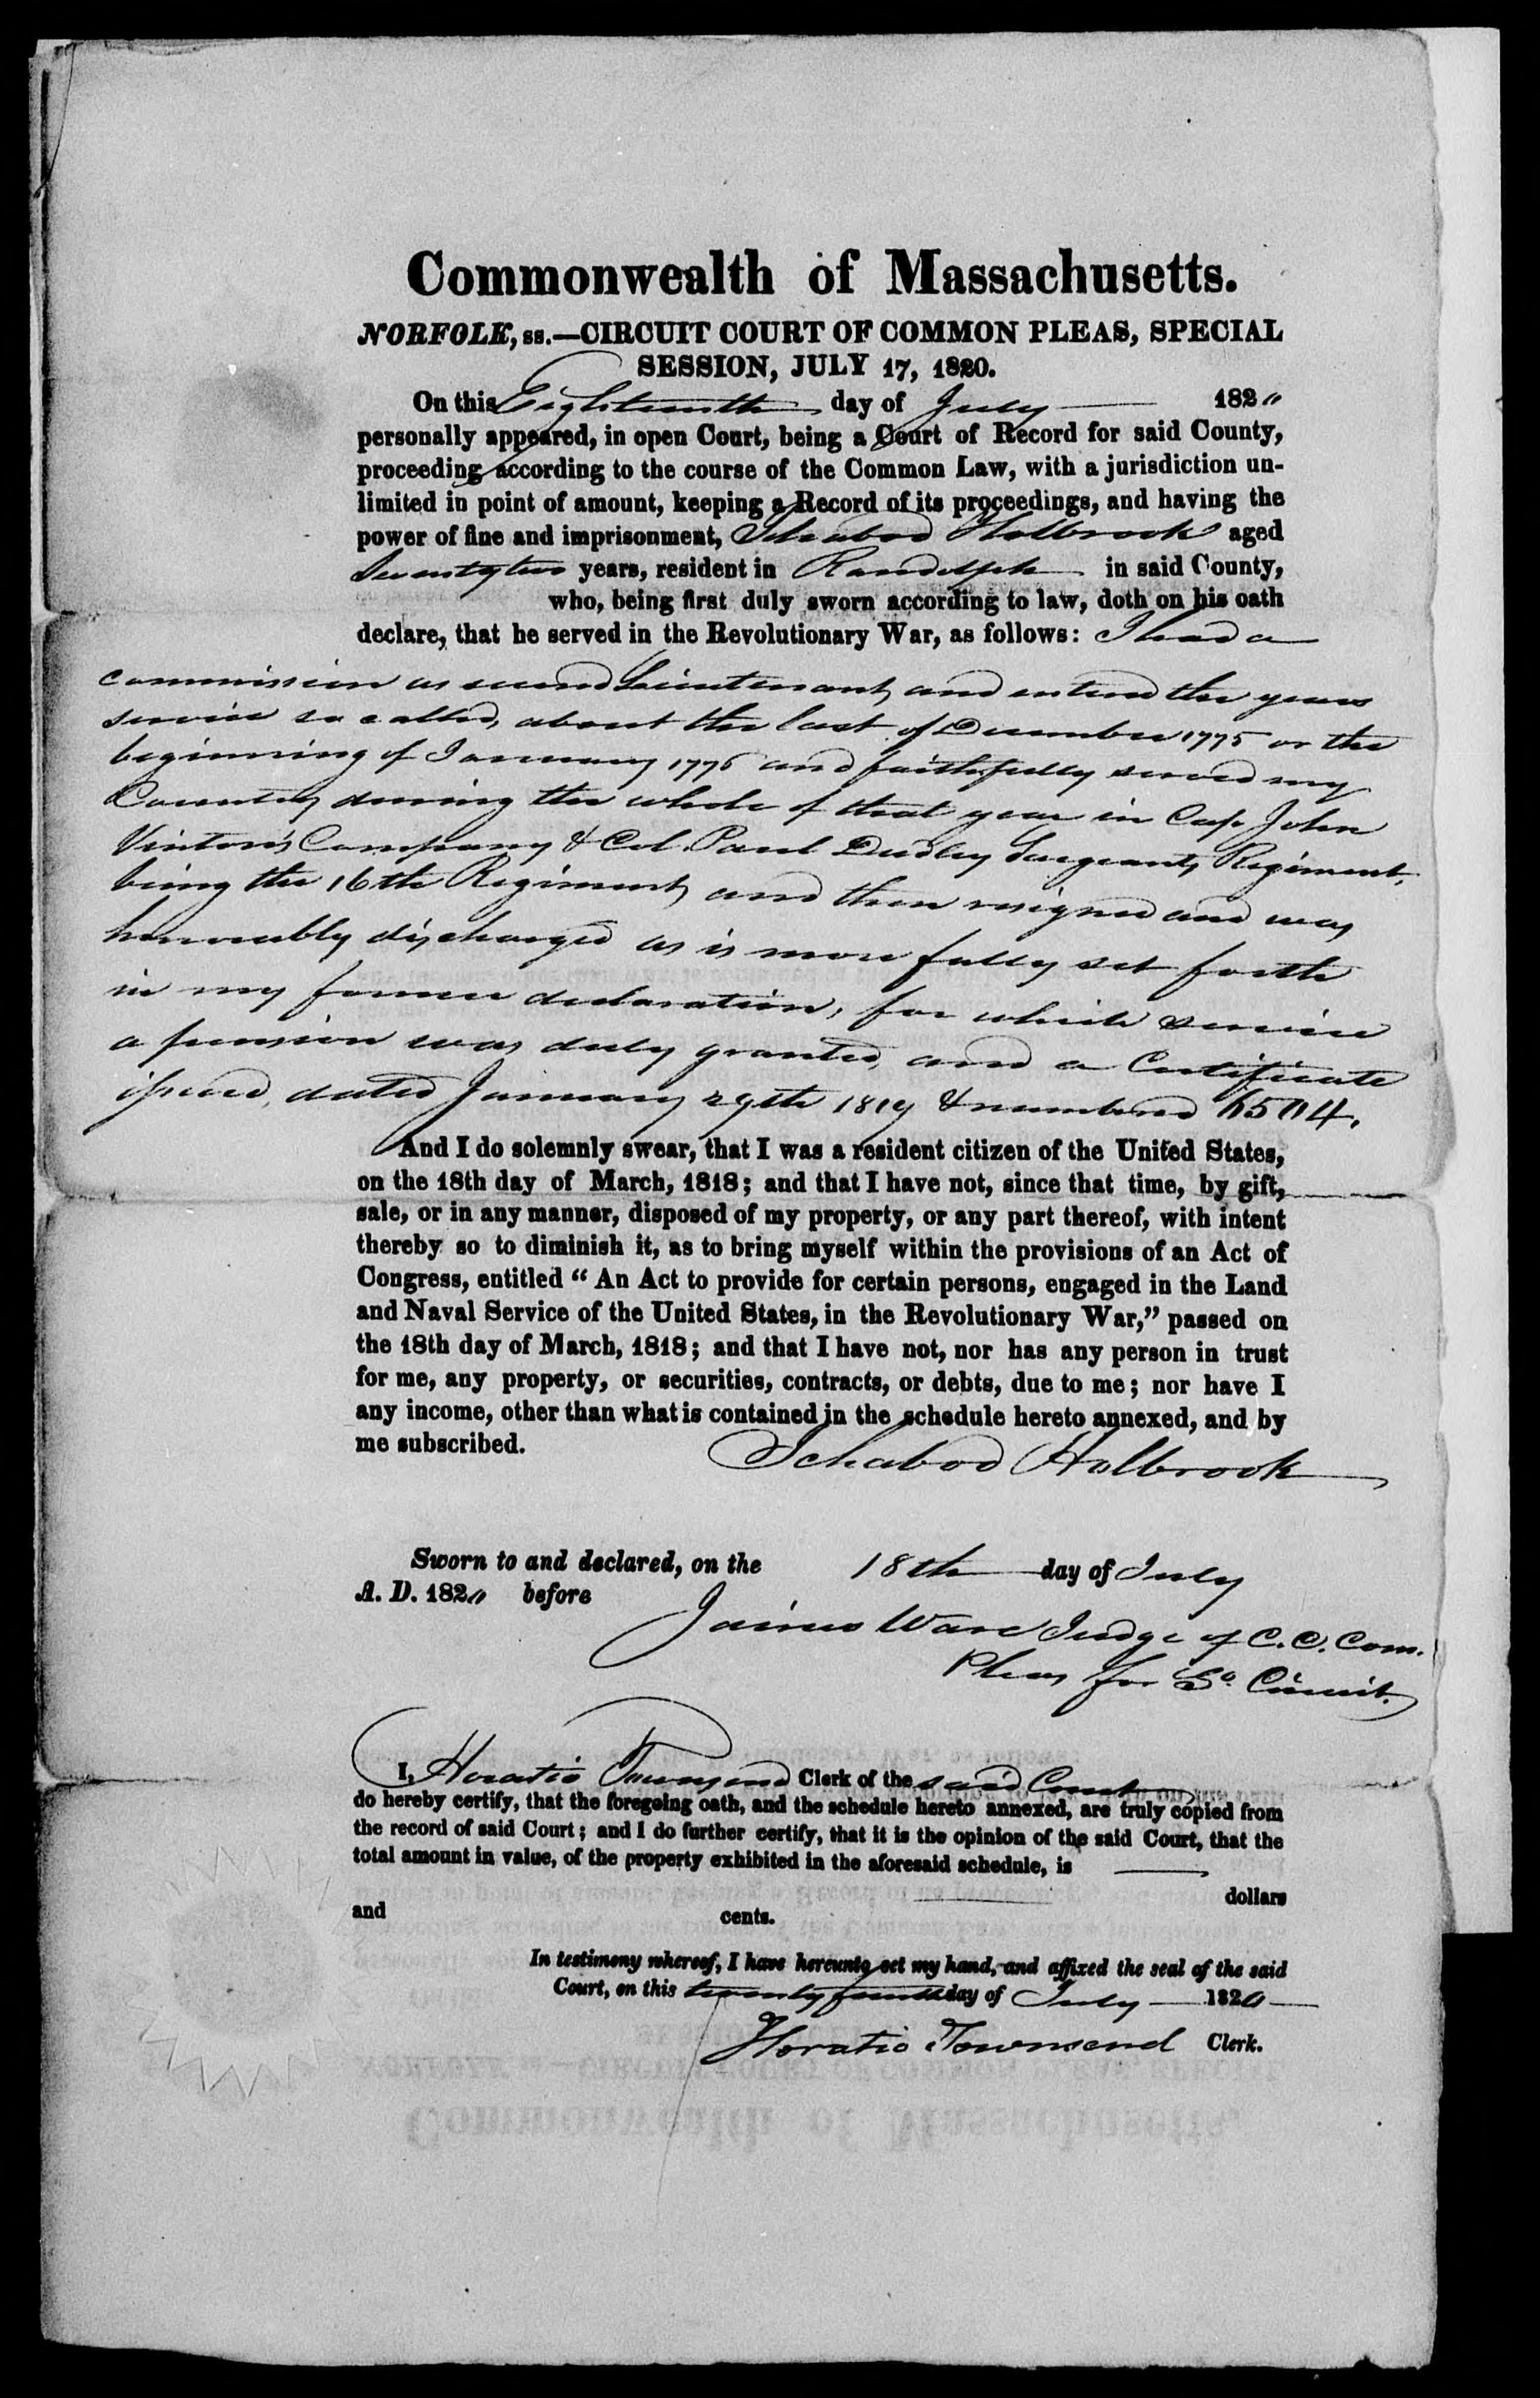Commonwealth of Massachusetts.
NORFOLK, ss.—CIRCUIT COURT OF COMMON PLEAS, SPECIAL
SESSION, JULY 17, 1820.

On this Eighteenth day of July 1820 personally appeared, in open Court, being a Court of Record for said County, proceeding according to the course of the Common Law, with a jurisdiction unlimited in po int of amount, keeping a Record of its proceedings, and having the power of fine and imprisonment, Ichabod Holbrook aged seventy two years, resident in Randolph in said County, who being first duly sworn according to law, doth on his oath declare, that he served in the Revolutionary War, as follows: I had a commission as second Lieutenant and entered the years service so called, about the last of December 1775 or the beginning of January 1776 and faithfully served my Country during the whole of that year in Cap John Vinton's Company & Col Paul Dudley Sargeants Regiment, being the 16th Regiment and then resigned and was honorably discharged as is more fully set forth in my former declaration, for which service a pension was duly granted, and a Certificate issued, dated January 29th 1819 & numbered 6504.

And I do solemnly swear, that I was a resident citizen of the United States, on the 18th day of March, 1818; and that I have not, since that time, by gift, sale, or in any manner, disposed of my property, or any part thereof, with intent thereby so to diminish it, as to bring myself within the provisions of an Act of Congress, entitled "An Act to provide for certain persons, engaged in the Land and Naval Service of the United States, in the Revolutionary War," passed on the 18th day of March, 1818; and that I have not, nor has any person in trust for me, any property, or securities, contracts, or debts, due to me; nor have I any income, other than what is contained in the schedule hereto annexed, and by me subscribed.

Ichabod Holbrook

Sworn to and declared, on the 18th day of July A. D. 1820 before Jainus Ward Judge of C. O. Com. Pleas for [So.?] Circuit.

I, Horatio Townsend Clerk of said Court do hereby certify, that the foregoing oath, and the schedule hereto annexed, are truly copied form the record of said Court; and I do further certify, that it is the opinion of the said Court, that the total amount in value, of the property exhibited in the aforesaid schedule, is [blank] dollars and [blank] cents.

In testimony whereof, I have hereunto set my hand, and affixed the seal of the said Court, on this twenty fourth day of July 1820

Horatio Townsend Clerk.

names: Ichabod Holbrook, Horatio Townsend, Ichabod Holbrook, Jairus Ware, Horatio Townsend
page: 10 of 15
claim: survivor's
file: S. 32,852, Ichabod Holbrook, Continental Mass.